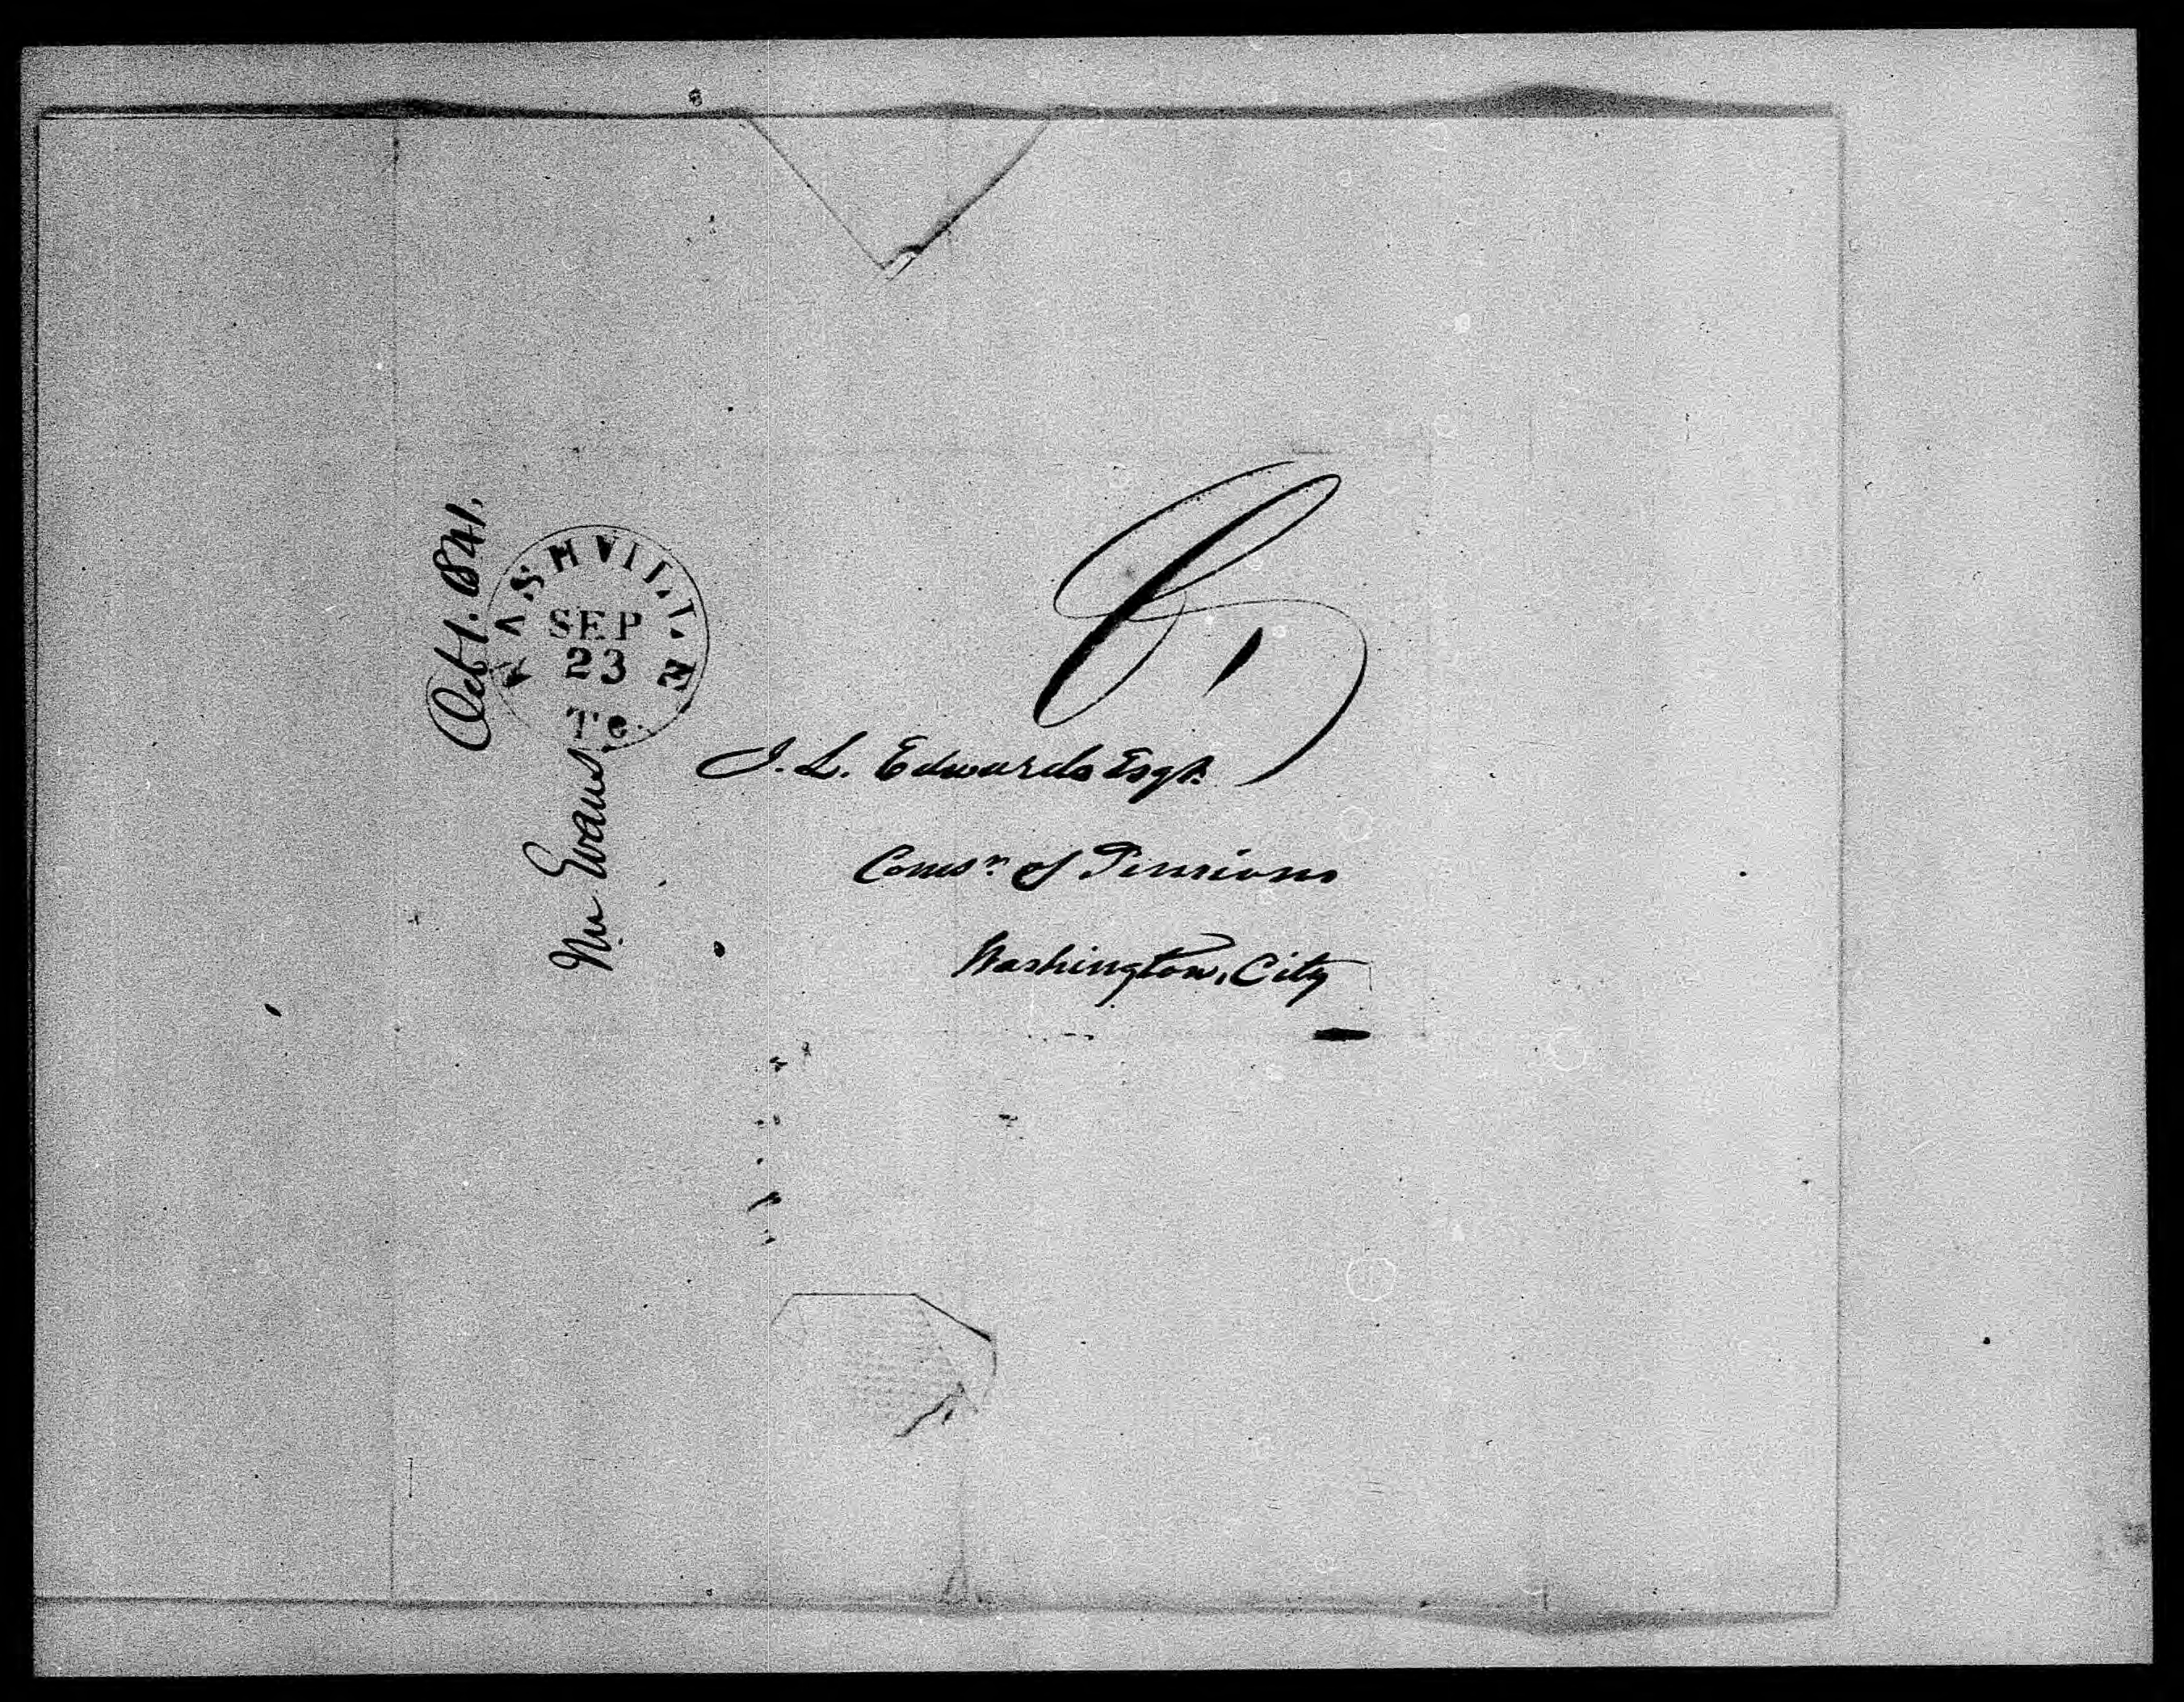[envelope]
J. L. Edwards Esq.
Comr of Pensions
Washington City

OCT 1, 1841
Mr. Evans

[postmark]NASHVILLE TE
SEP 23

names: [BLANK] Evans; J L Edwards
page: 90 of 115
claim: widow's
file: W. 1446, for John Mc Clung, South Carolina